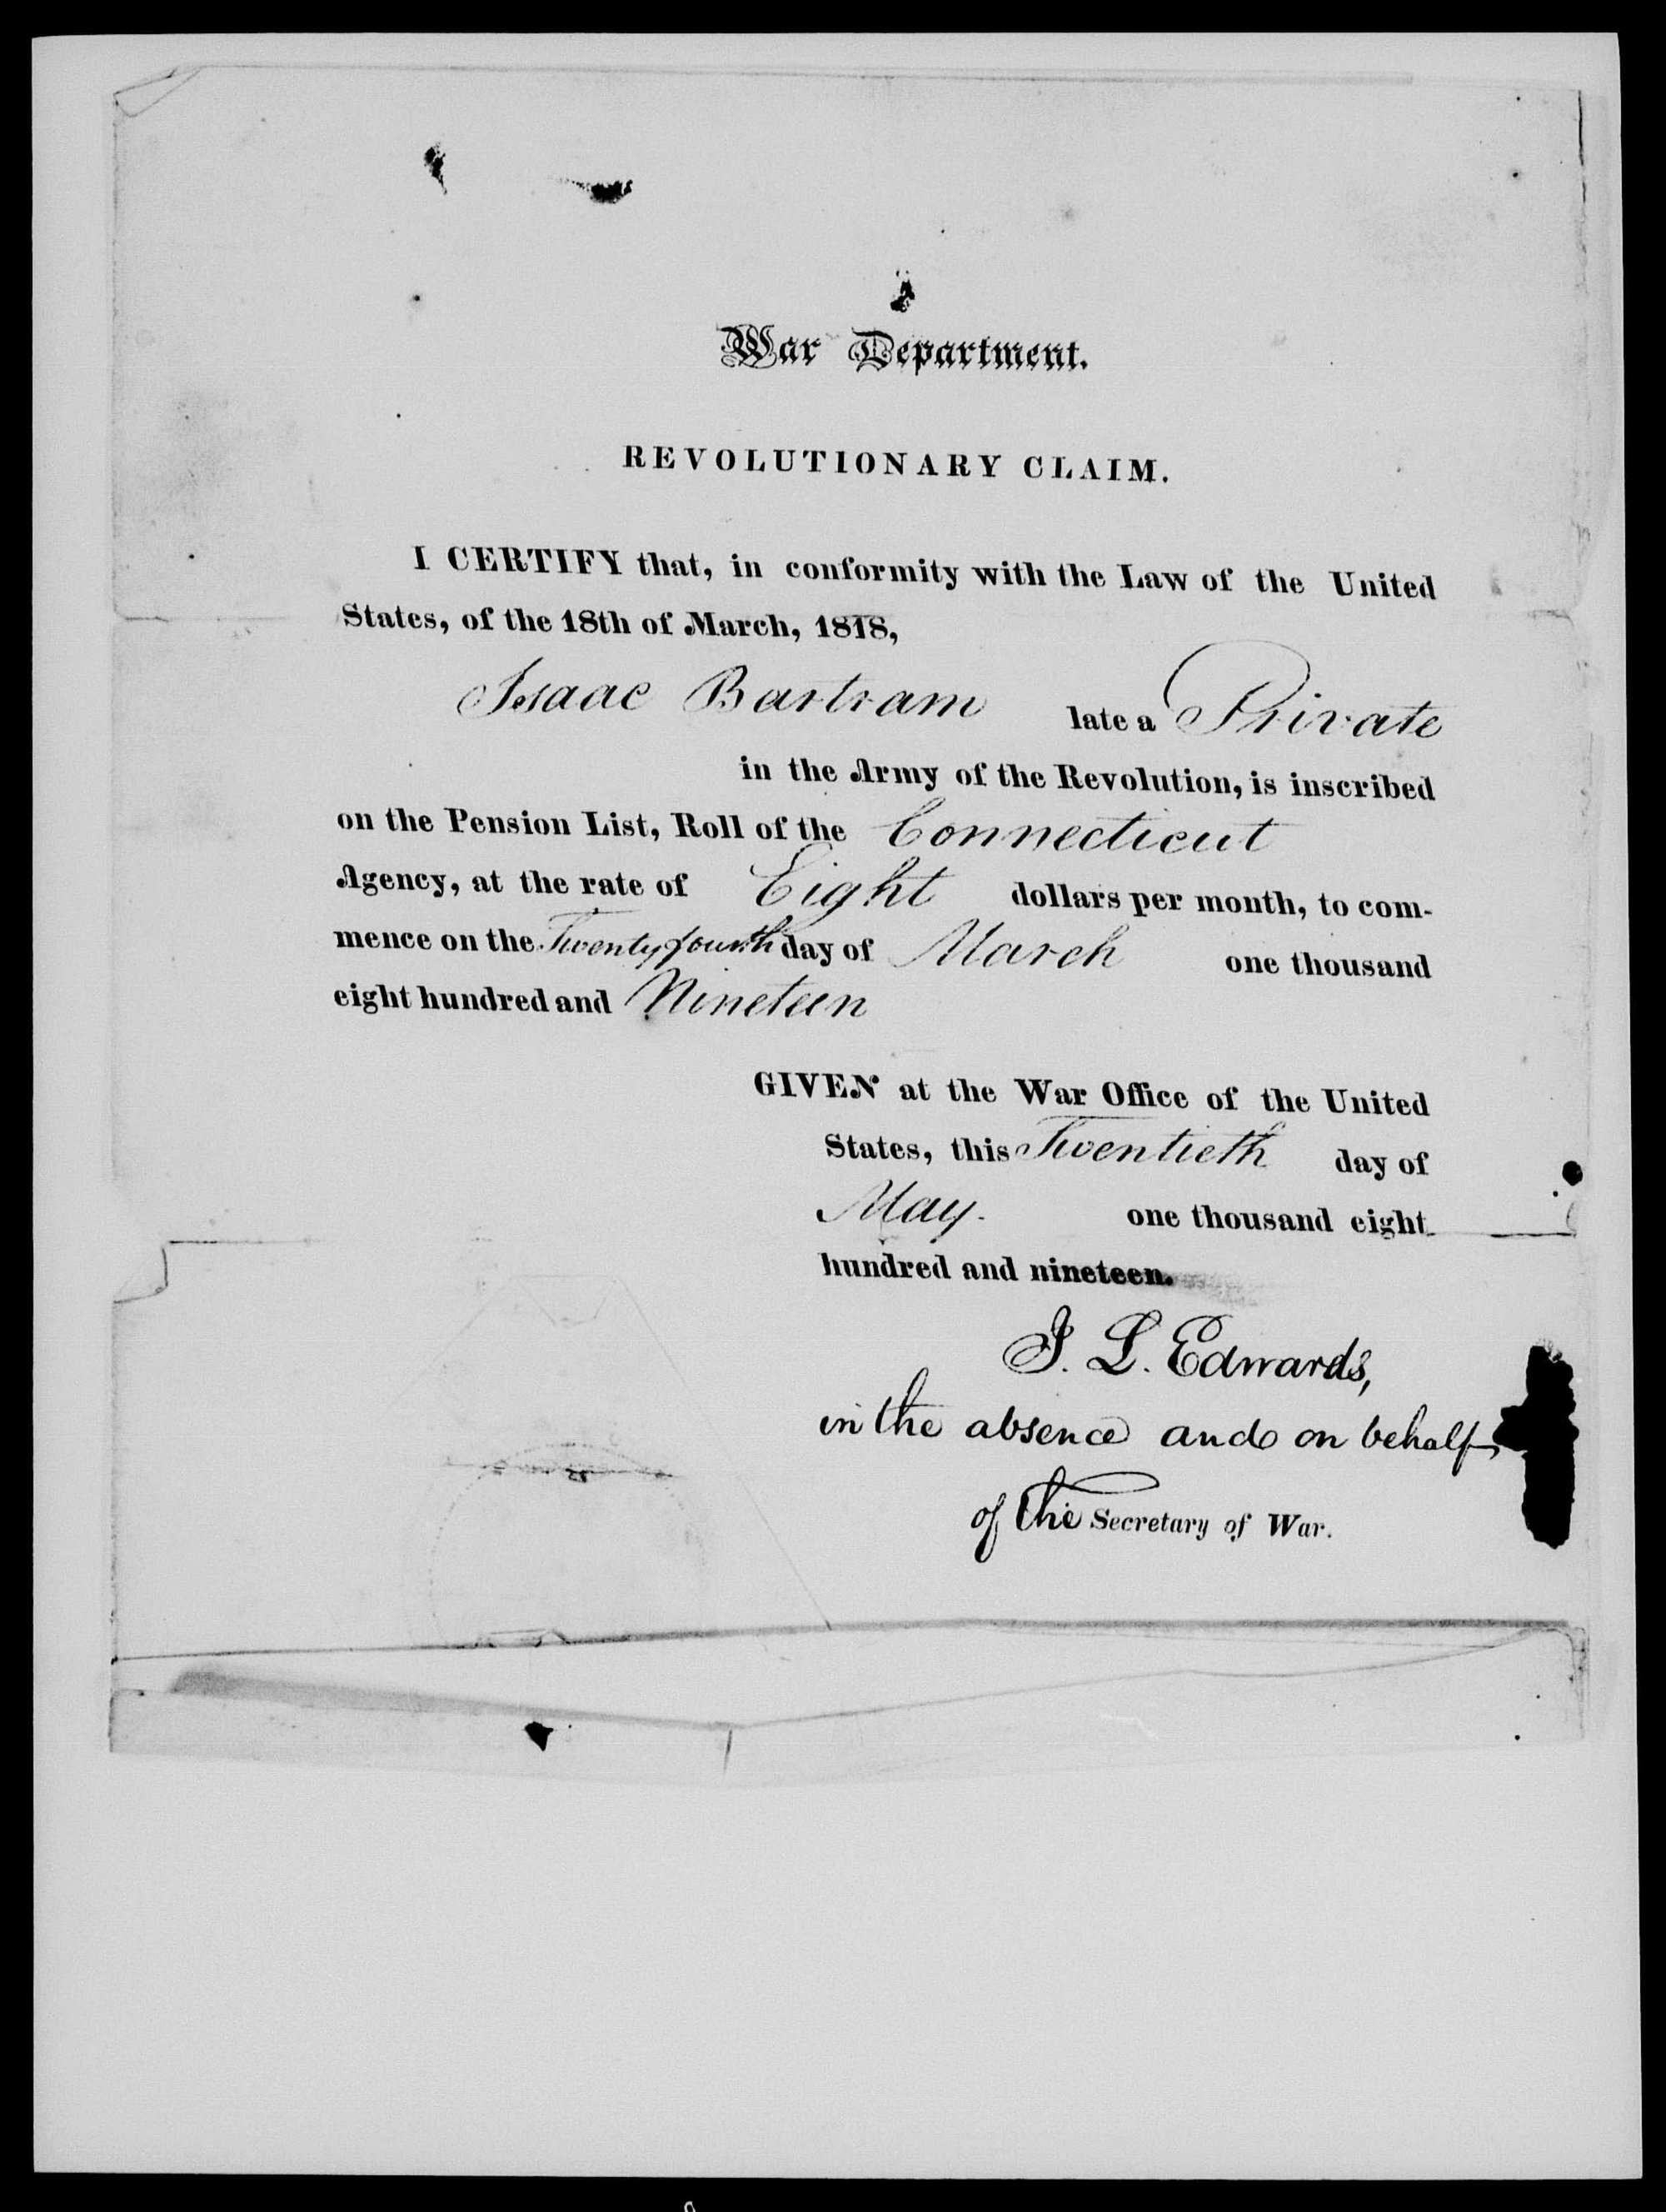War Department
REVOLUTIONARY CLAIM.
I CERTIFY that, in conformity with the Law of the United
States, of the 18th of March, 1818,
Isaac Bartram  late a private
in the Army of the Revolution, is inscribed
on the Pension List, Roll of the Connecticut
Agency, at the rate of Eight dollars per month, to commence
on the Twenty fourth day of March one thousand
eight hundred and nineteen

GIVEN at the War Office of the United
States this Twentieth day of
May one thousand eight
hundred and nineteen
J. L. Edwards
in the absence and on behalf
of the Secretary of War.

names: Isaac Bartram, J L Edwards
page: 30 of 39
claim: survivor's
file: S. 12110, Isaac Bartram, Continental (Conn)